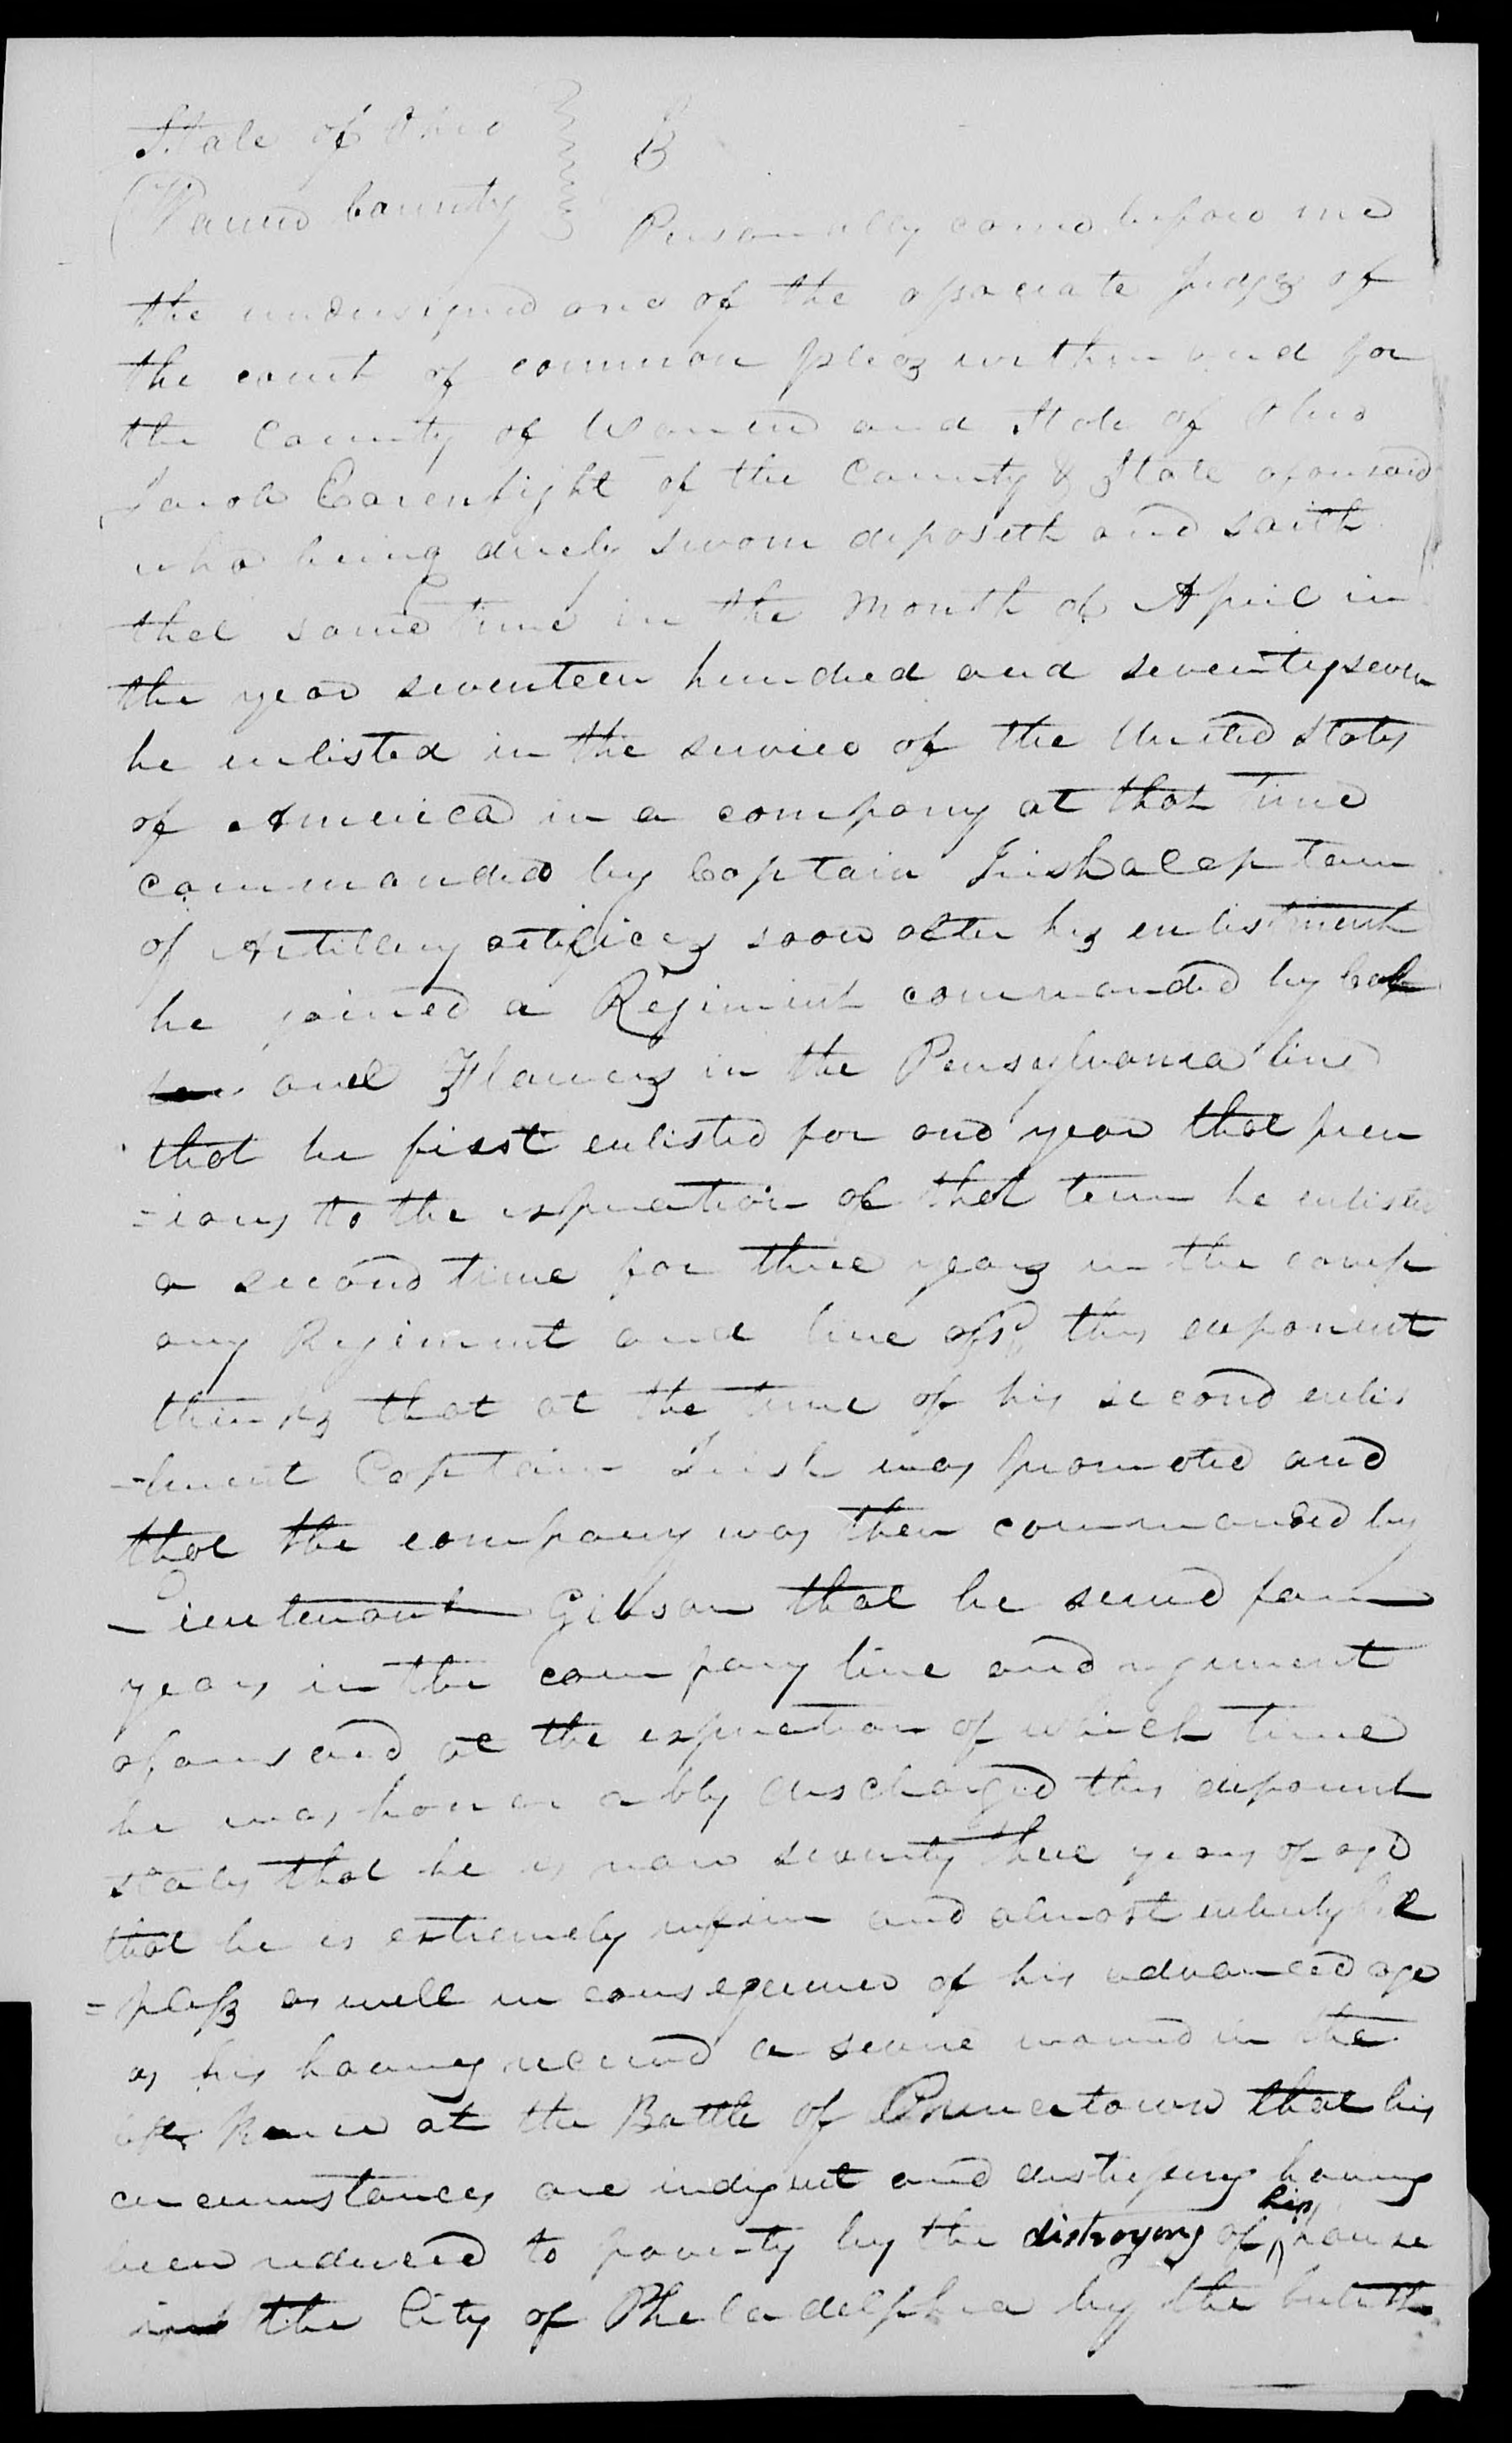State of Ohio
Warren County }ss
  Personally came before the undersigned and of the associate Judge of the court of common pleas
within and for the County of  Warren  and the State of Ohio Jacob Earenfight of the County & State aforesaid
who being duly sworn deposeth and saith that some time in the Month of April in the year seventeen hundred and seventy seven he enlisted in the service of the United States of America in a company at that time commanded by Captain Irish a captain of Artillery artificers soon after his enlistment he joined a Regiment commanded by Col [Anl?] Flowers in the Pennsylvania line that he first enlisted for one year  that previous to the expiration of that term he enlisted for a second time for three years in the company regiment and line aforesaid this [enponent?] thinks that at the time of his second enlistment Captain Irish was promoted and that the company was then commanded by Lieut. Gibson that he served four years in the company line and regiment aforesaid at the expiration of which time he was honorably discharged this [deponent?] states that he is now seventy three years of age that he is extremely infirm and almost [unclear..pass] as well a consequence of his advanced age as his having received a severe wound in the [left knee?] at the Battle of Princetown that his circumstances are indigent and [astiessery?]   having been reduced to poverty by the destroying of ^his house in the city of Philadelphia by the [butrth? british?]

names: Irish, Gibson, Jacob Earenfight, Flowers, Irish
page: 4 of 21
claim: survivor's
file: S. 42691, Jacob Earenfight, Continental Ohio Residence And Agency